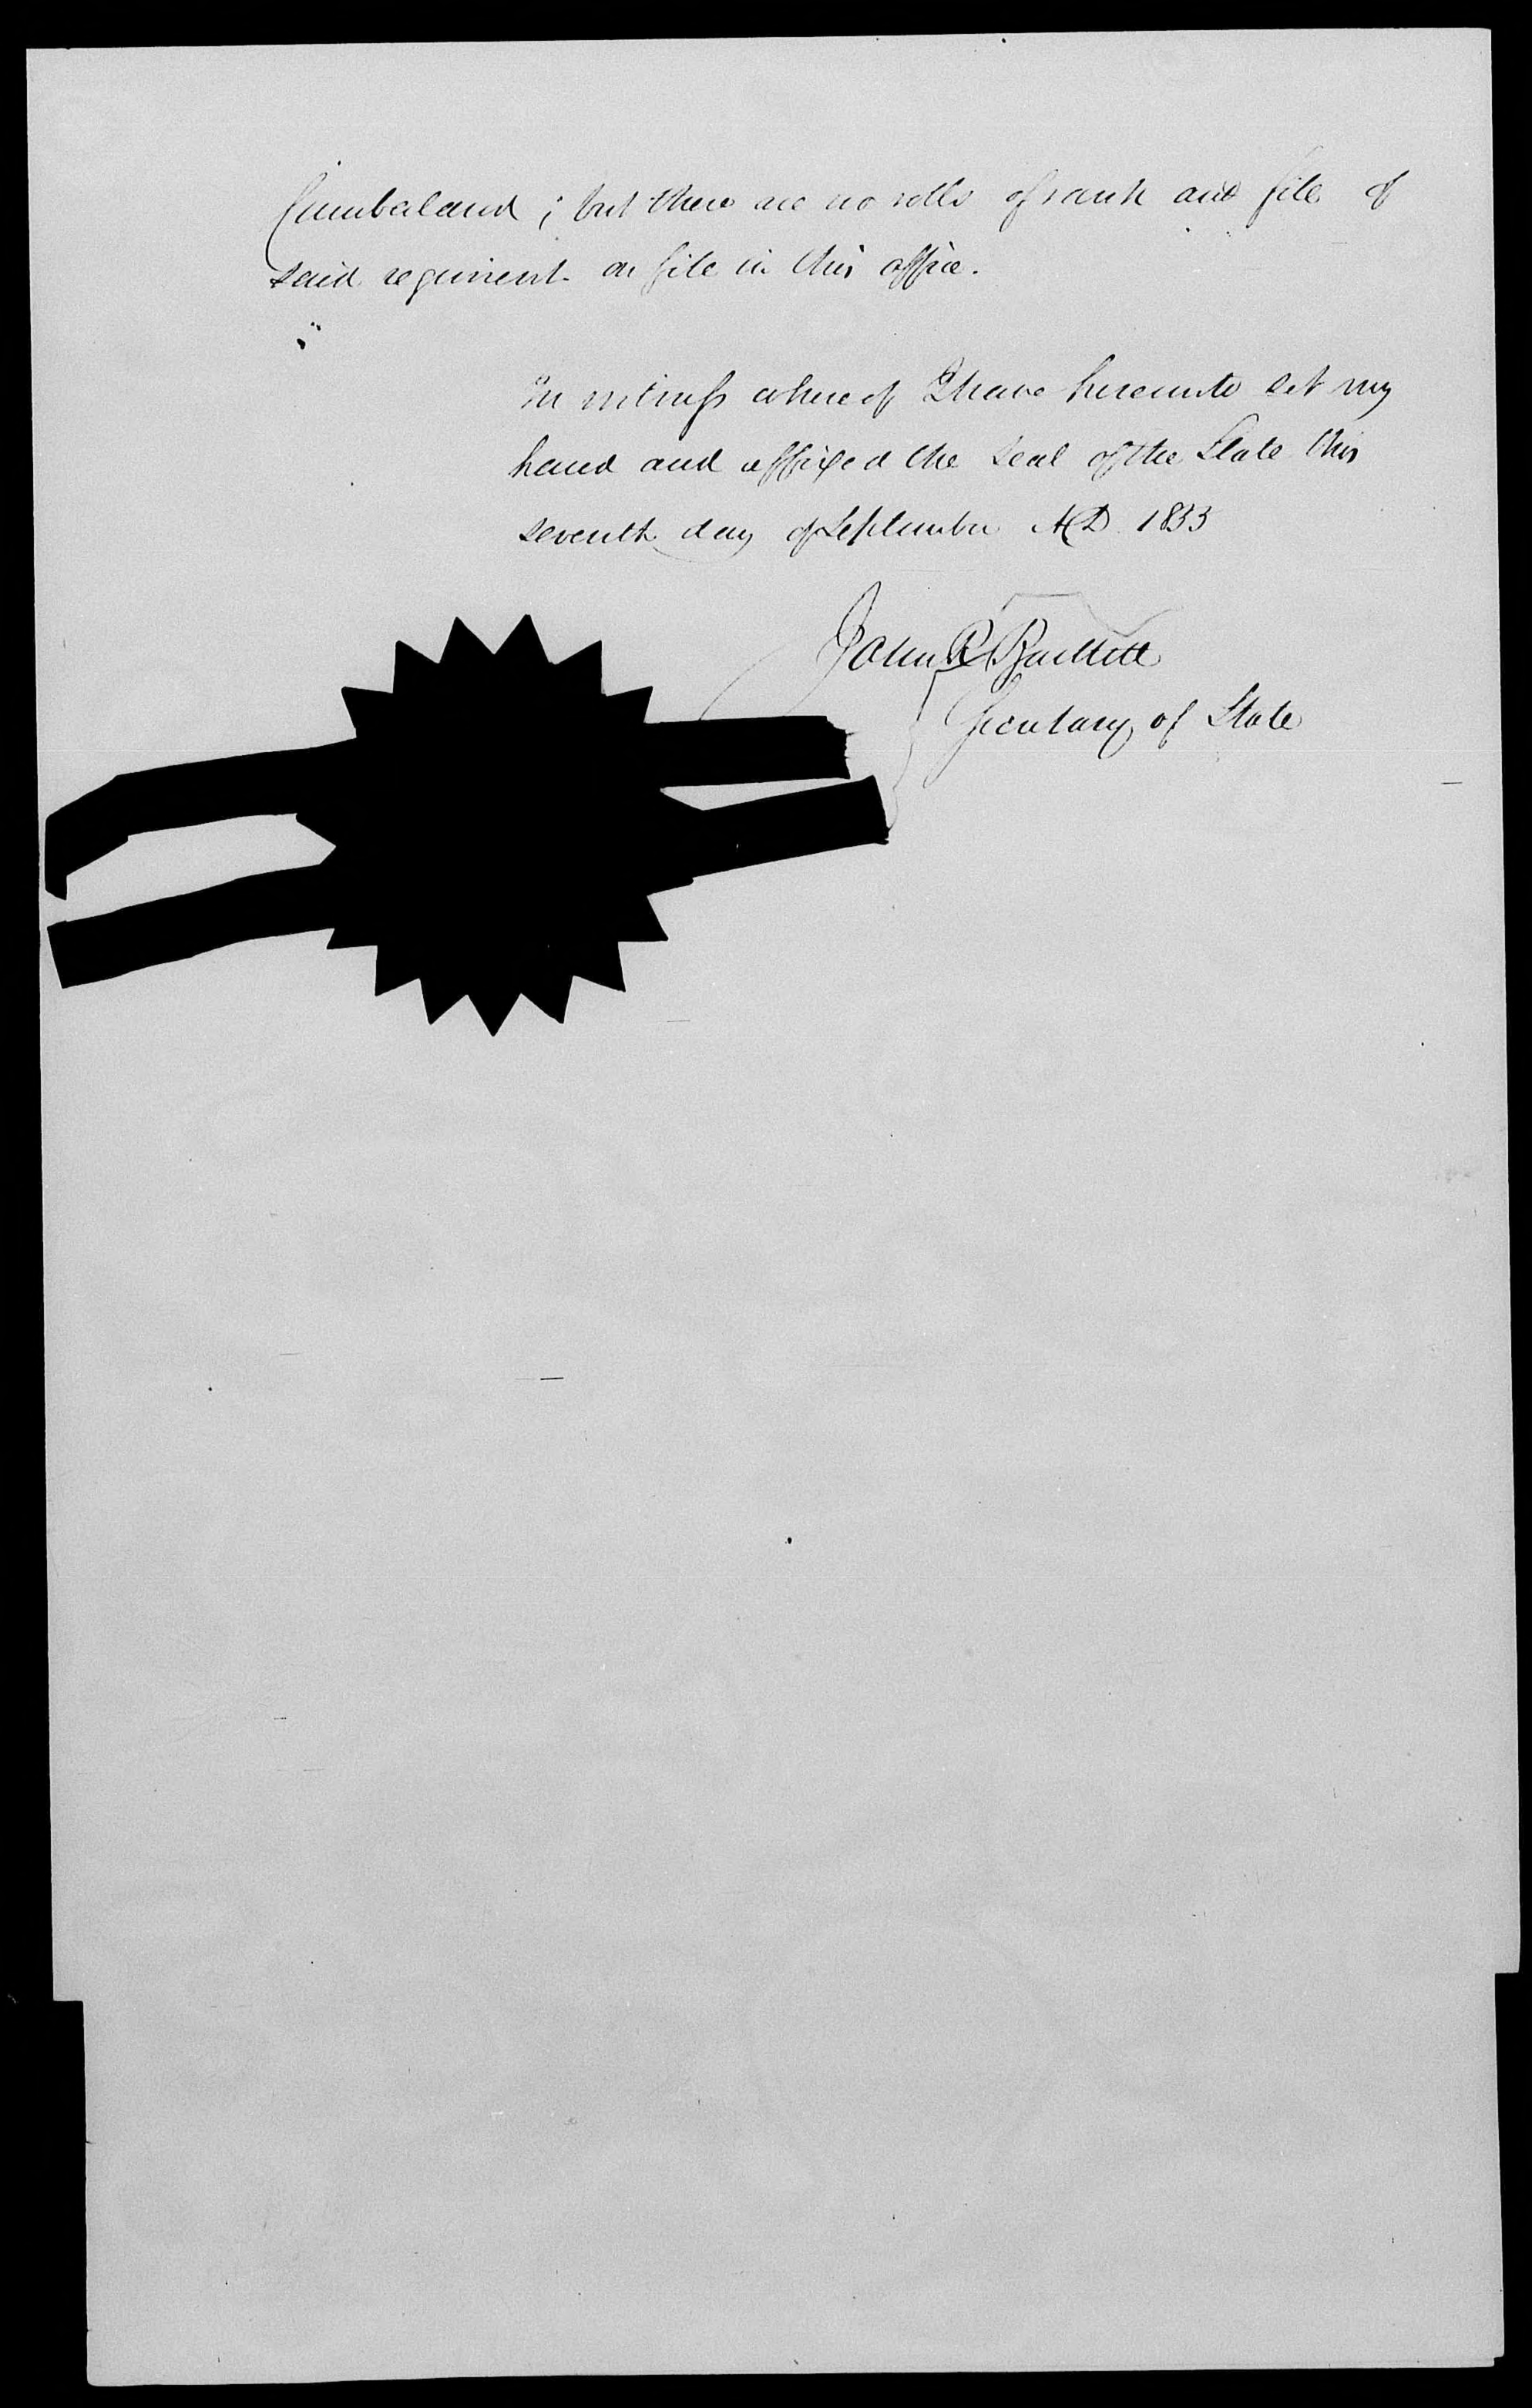Cumberland; but there are no rolls of rank and file of said regiment on file in this office.

In witness whereof I have hereunto set my hand and affixed the Seal of the State this seventh day of September A.D. 1855

John R. Bartlett
Secretary of State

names: John R Bartlett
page: 52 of 76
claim: widow's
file: W. 15,517, William Gadcomb, R.I.